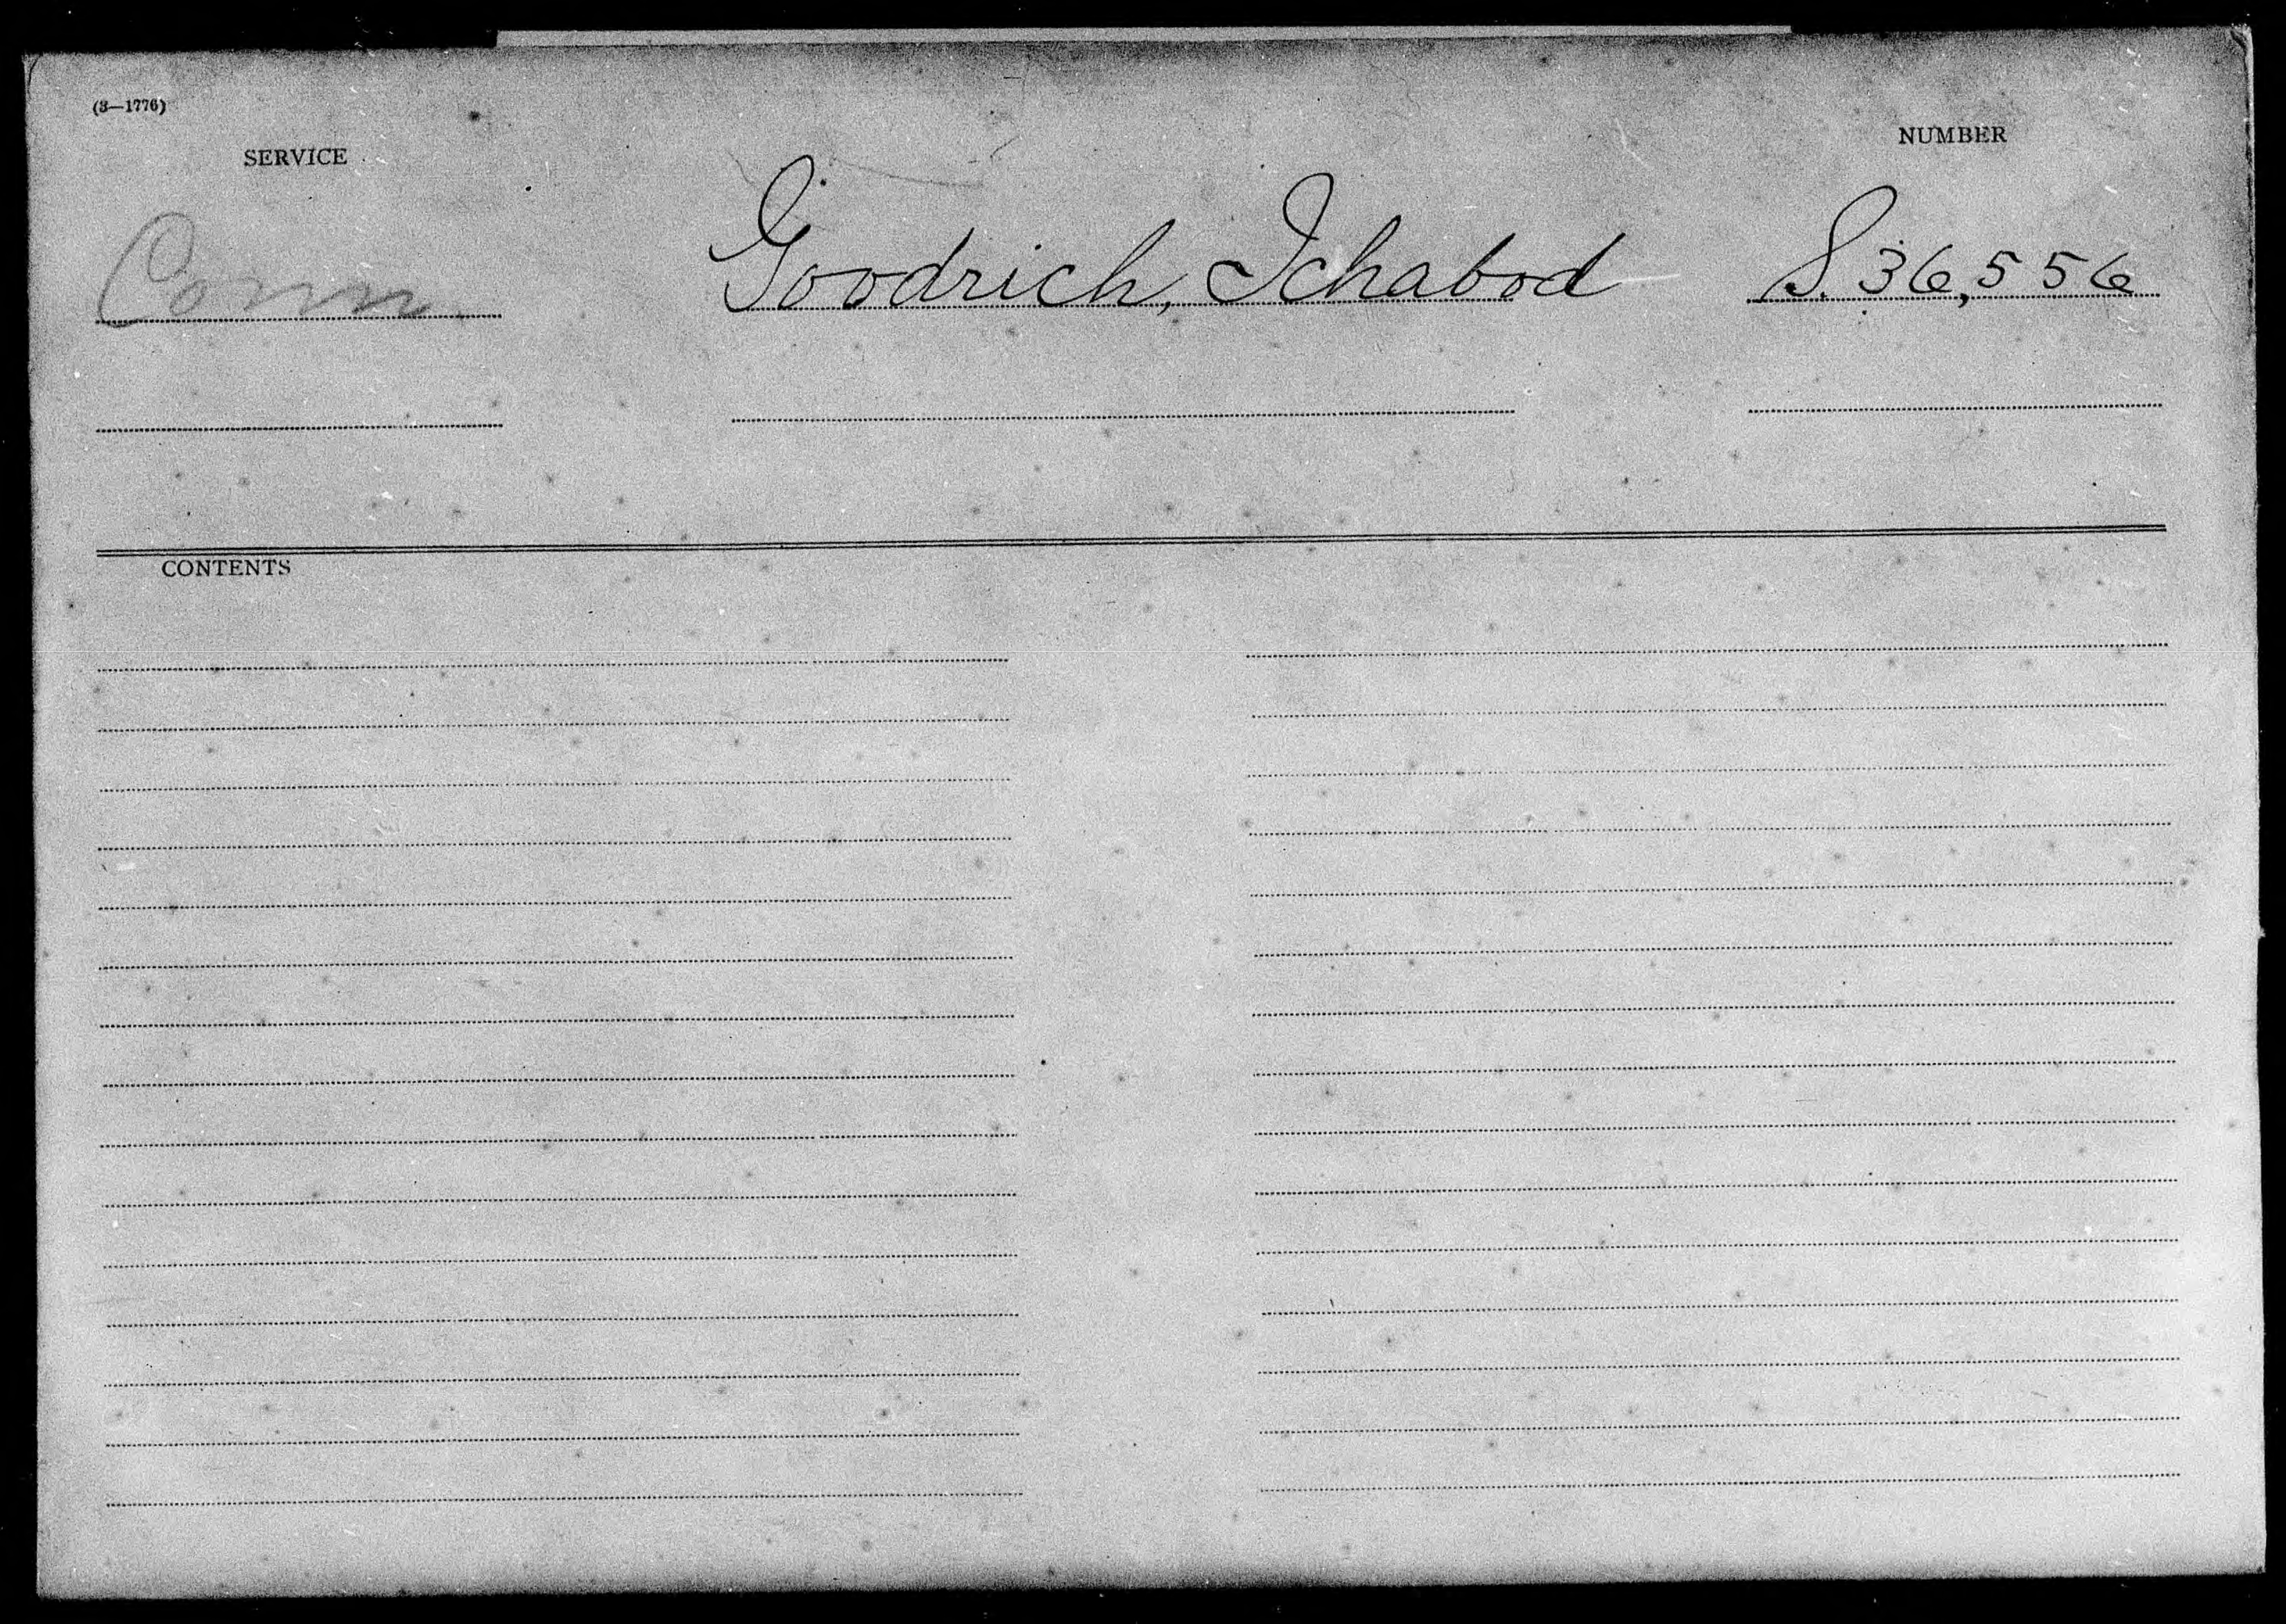SERVICE                                            NUMBER
Conn.     Goodrich, Ichabod          S 36,556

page: 1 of 46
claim: survivor's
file: S. 36,556, Ichabod Goodrich, Conn.